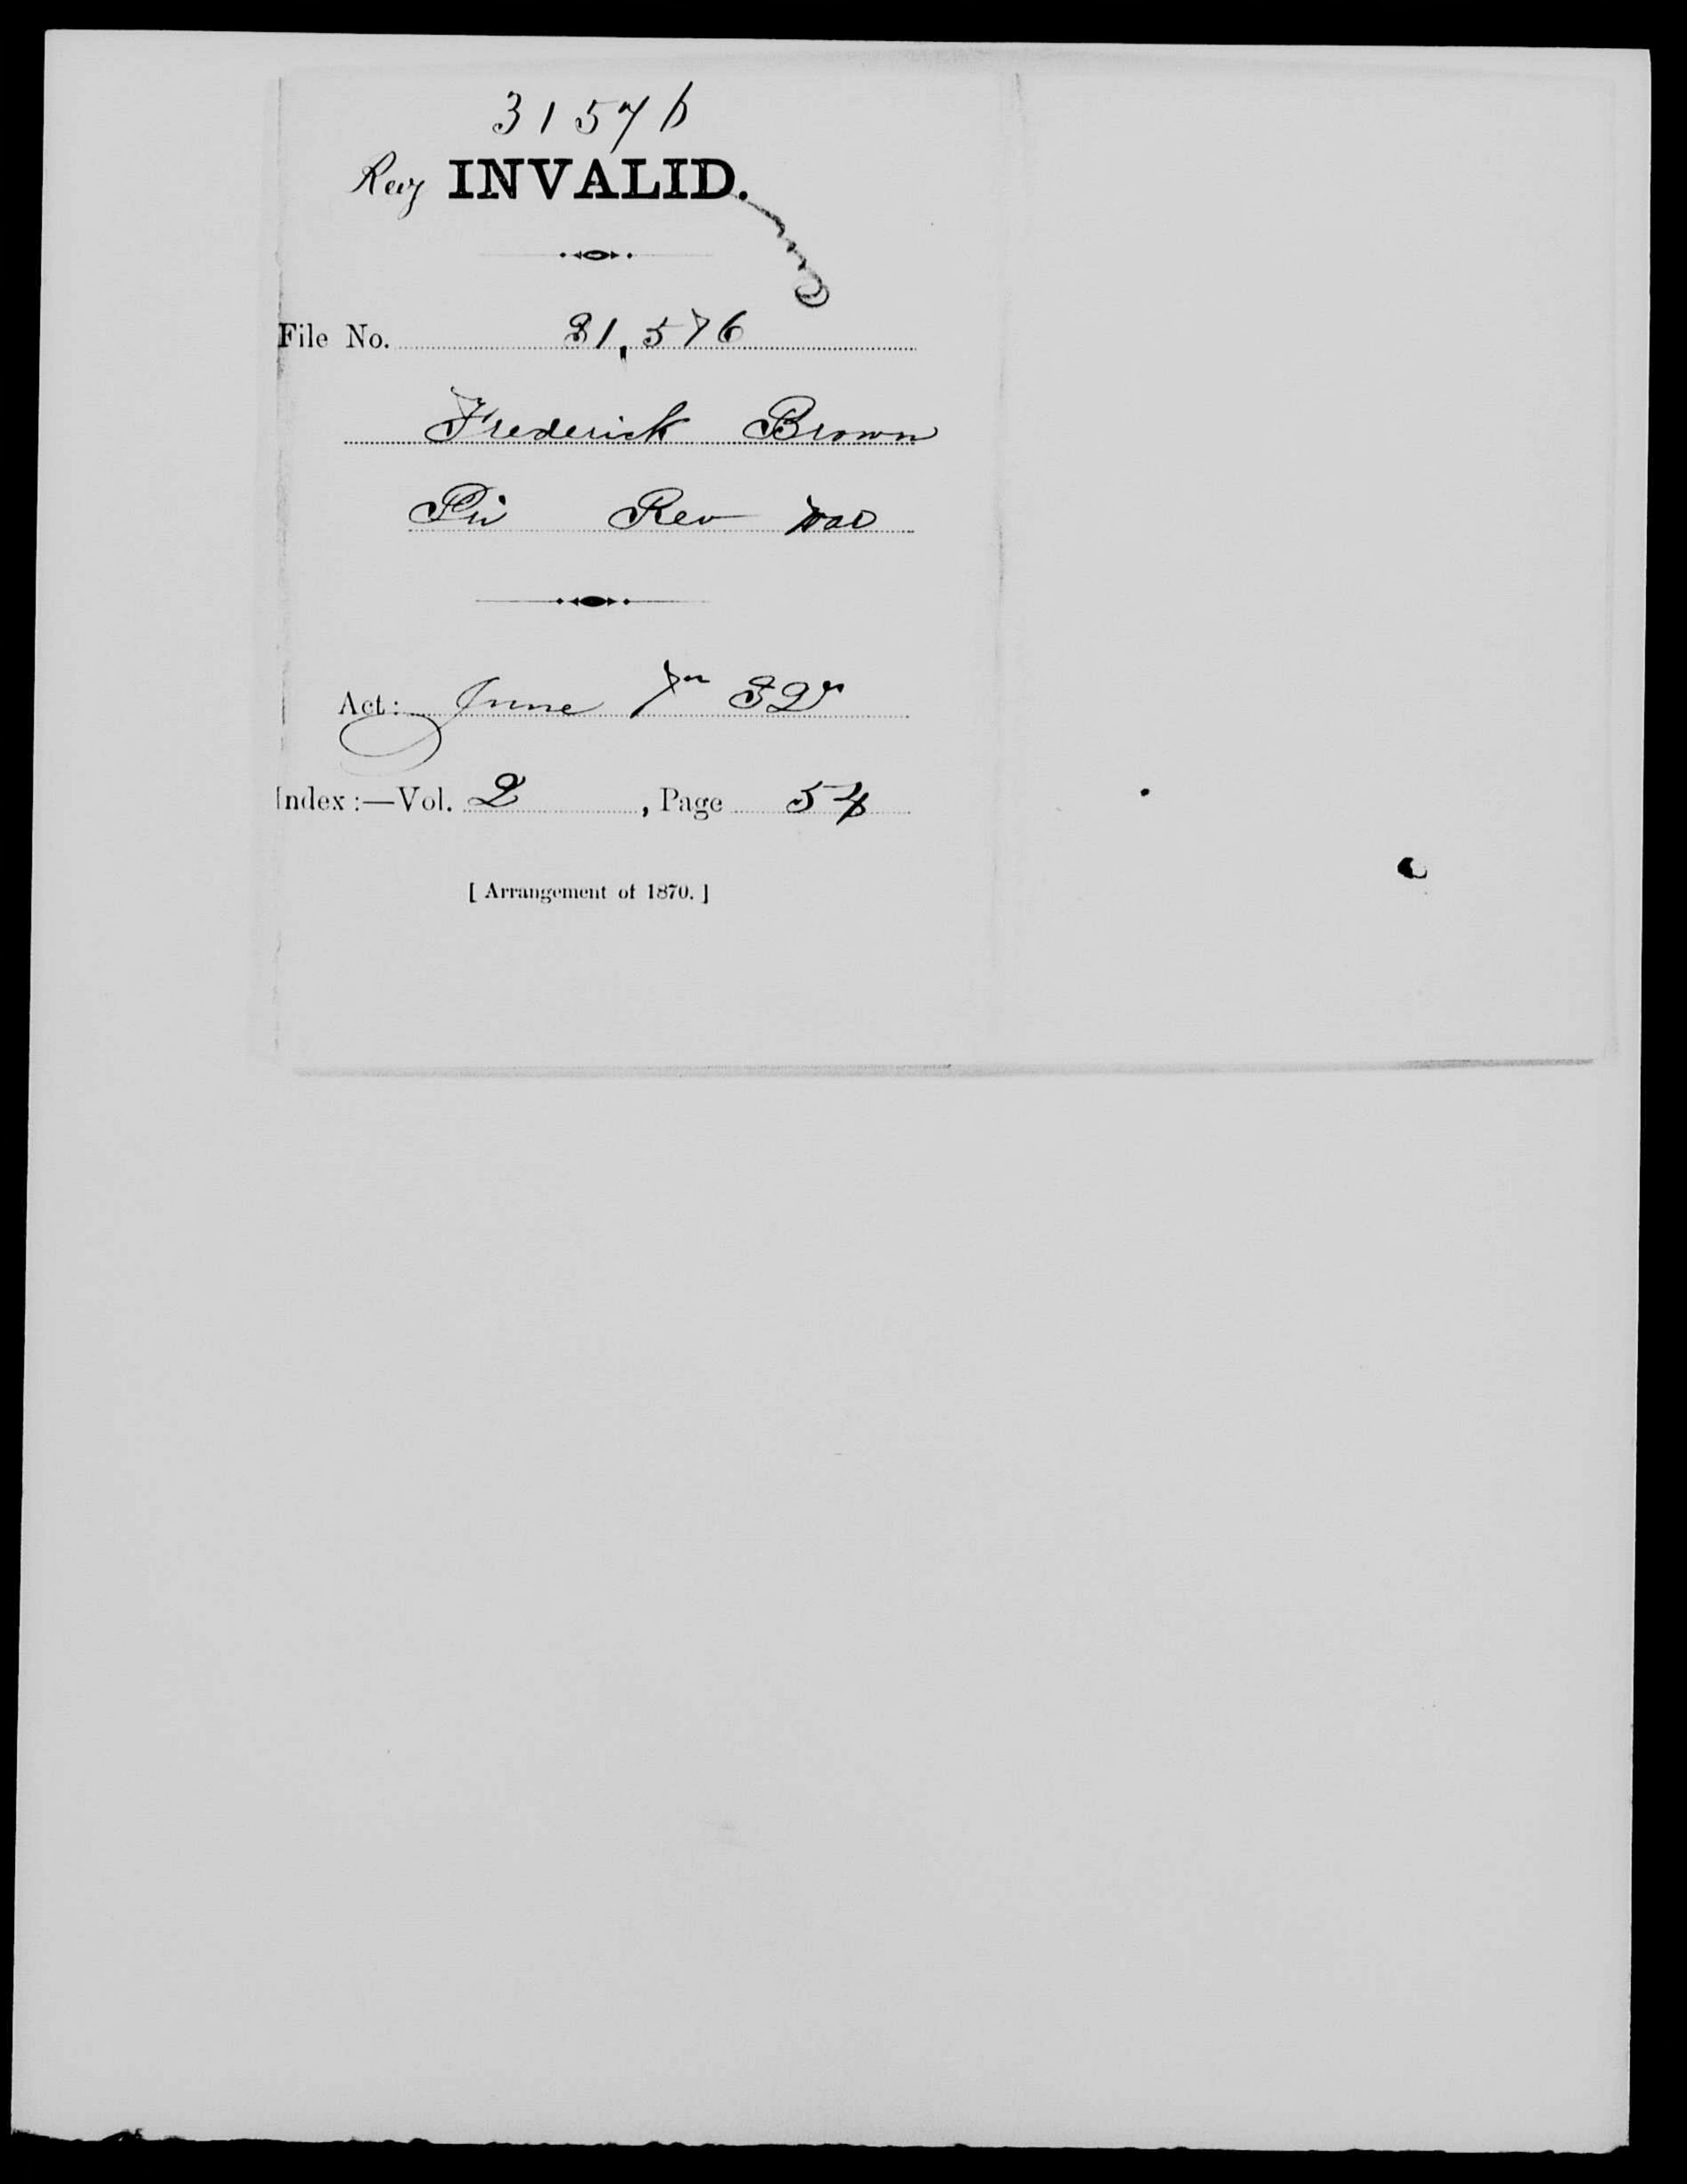31576
Reg INVALID. File No. 31,576 Frederick Brown Pri Rev [unreadable] Act: June 7th 32 Index:--Vol. 2, Page 54 [Arrangement of 1870.]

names: Frederick Brown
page: 3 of 11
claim: survivor's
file: S. 31,576, Frederick Brown, Ga.